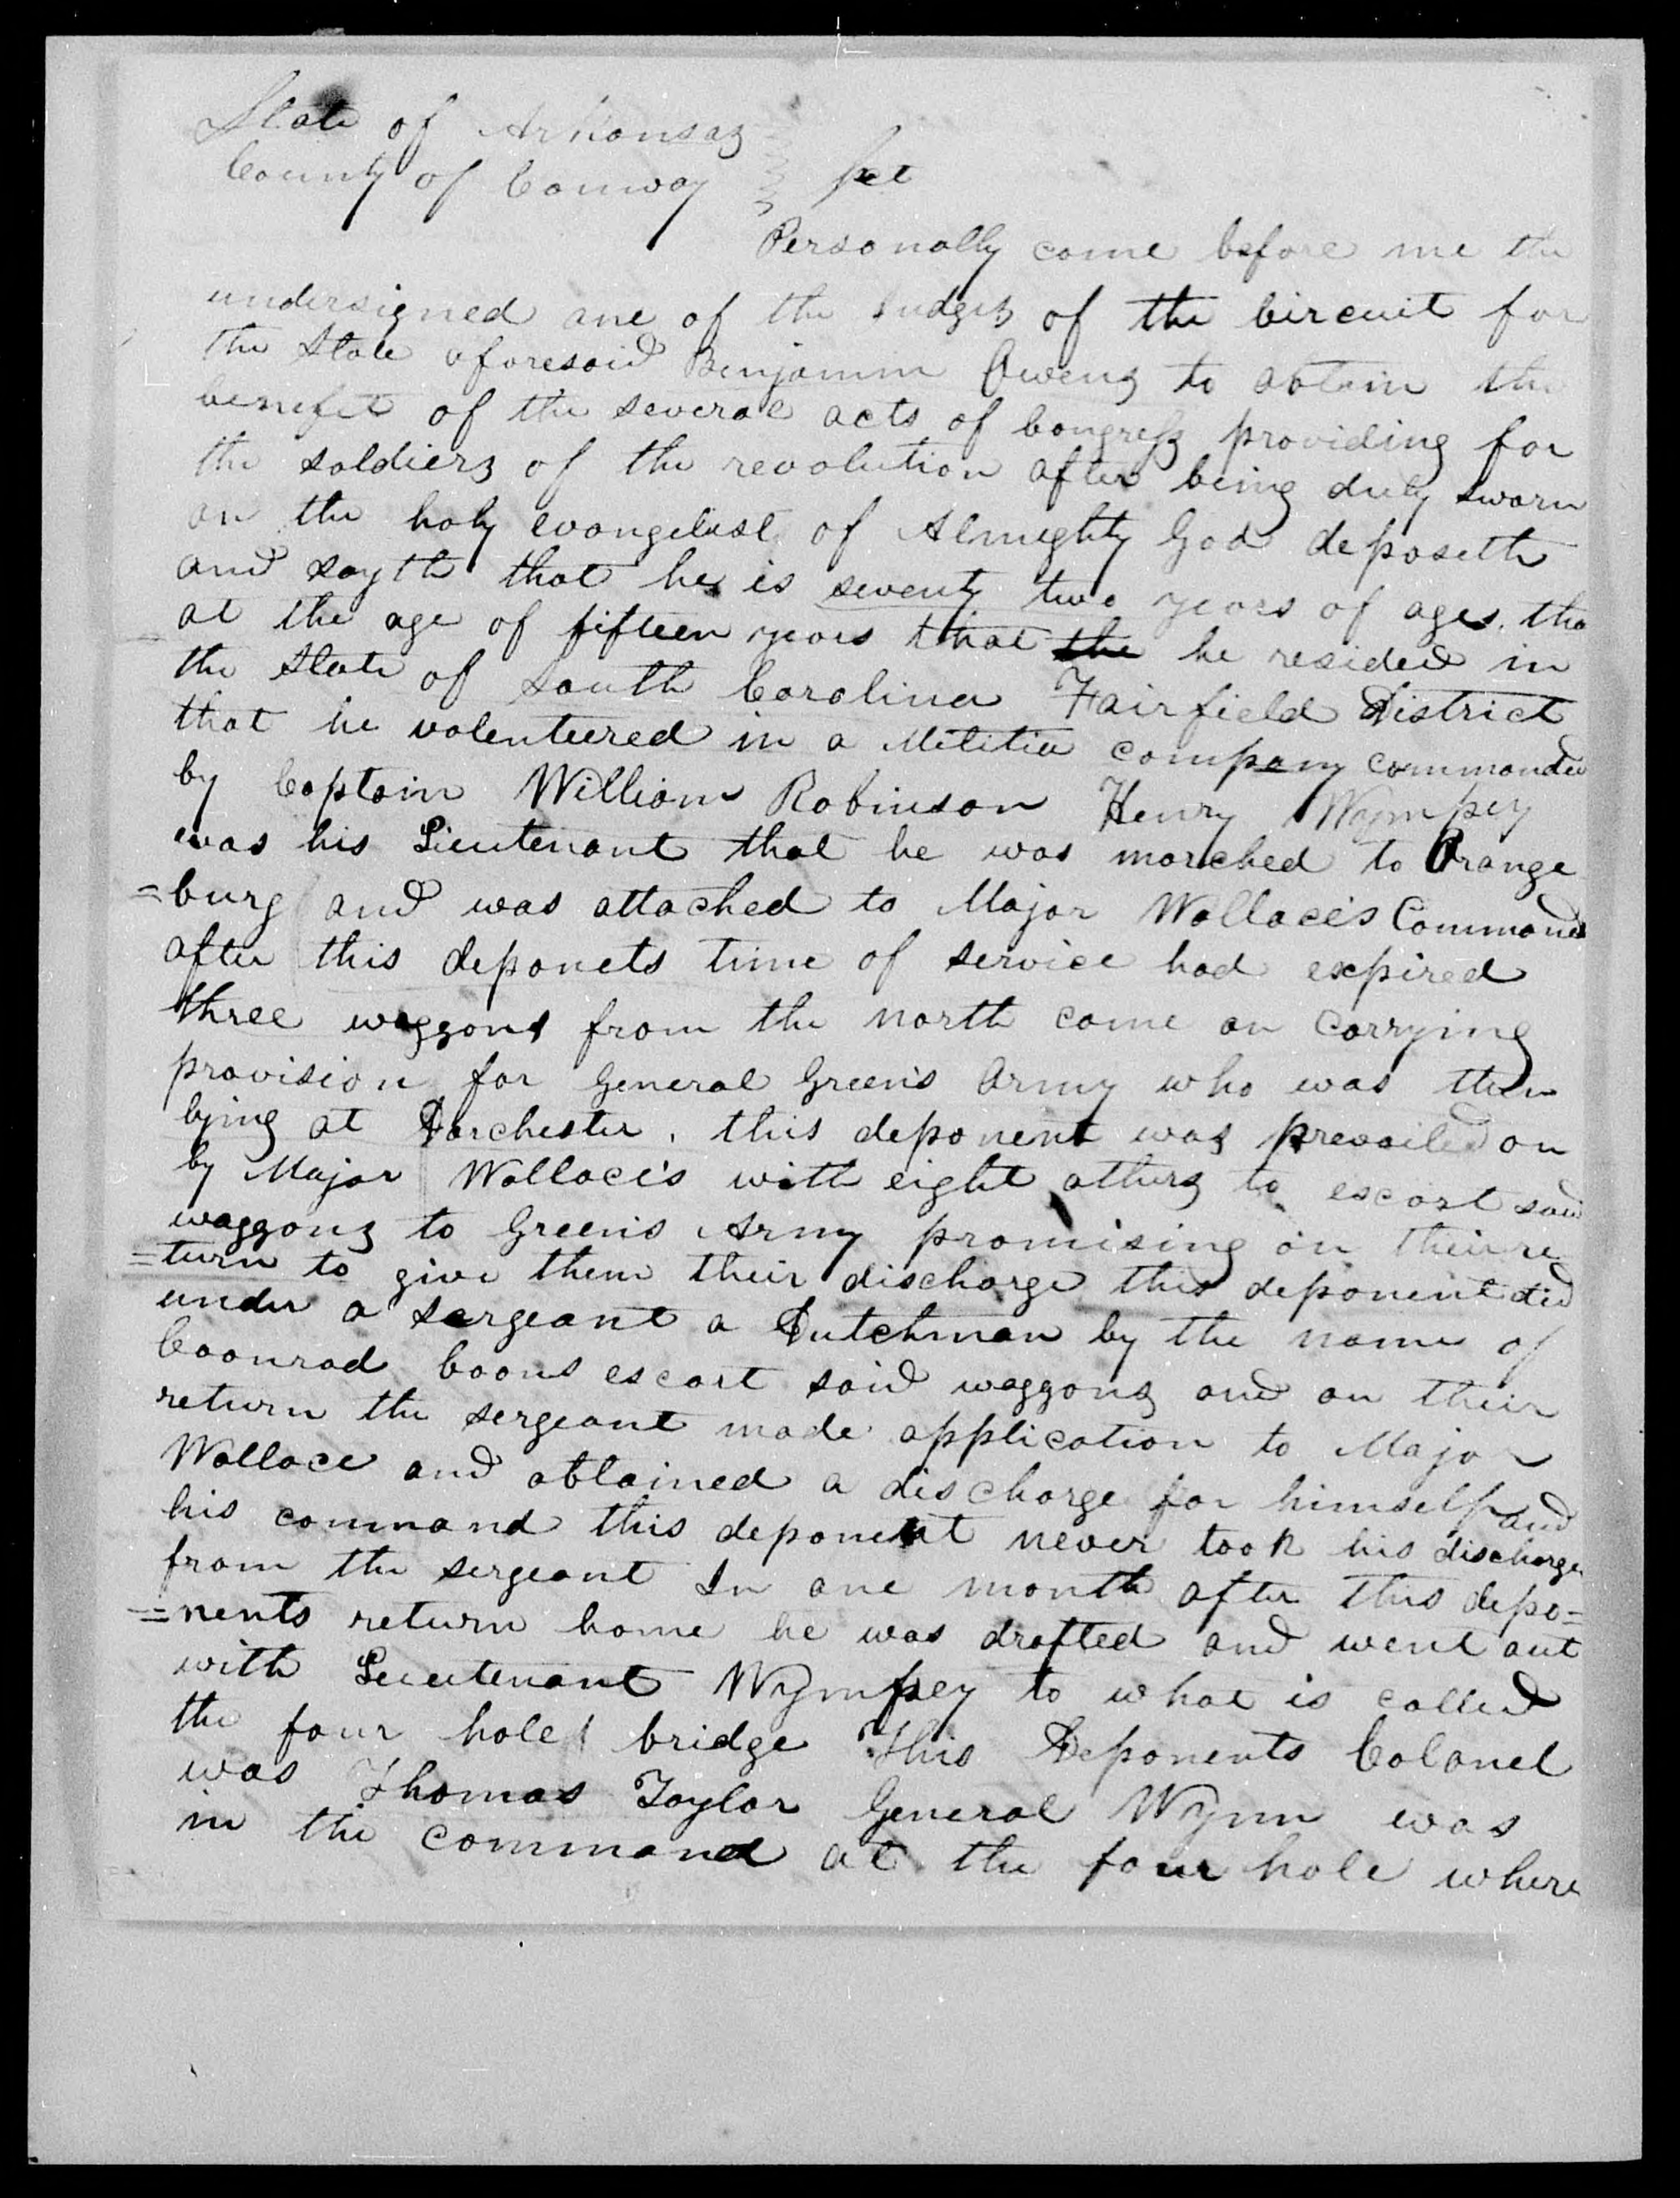State of Arkansas }
County of Conway } SS
Personally come before me the undersigned one of the Judges of the Circuit for the State aforesaid Benjamin Owens to obtain the benefit of the several acts of Congress providing for the soldiers of the revolution after being duly sworn on the holy evangelist of Almighty God deposeth and sayth that he is
seventy two years of age.  That at the age of fifteen years that the he resided in the State of South Carolina Fairfield District that he volunteered in a Militia company commanded
by Captain William Robinson Henry Waimpey was his Lieutenant that he was marched to Orangeburg and was attached to Major Wallace's Command after this deponents time of service had expired three waggons from the north came on carrying provision for General Green's Army who was then lying at Dorchester, this deponent was prevailed on
by Major Wallace's with eight others to escort said waggons to Green's Army promising on their return to give them their discharge this deponent did under a sergeant a Dutchman by the name of Coonrad Coons escort said waggons and on their return the sergeant made application to Major Wallace and obtained a discharge for himself and his command this deponent never took his discharge from the sergeant.  In one month after this deponents return home he was drafted and went out with Lieutenant Wympey to what is called the four hole bridge  This Deponents Colonel was Thomas Taylor General Wynn was in the command at the four hole where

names: Henry Wympey; Benjamin Owens; [BLANK] Wynn; [BLANK] Wallace; Thomas Taylor; William Robinson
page: 17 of 28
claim: rejected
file: R. 7846, for Benjamin Owens, South Carolina